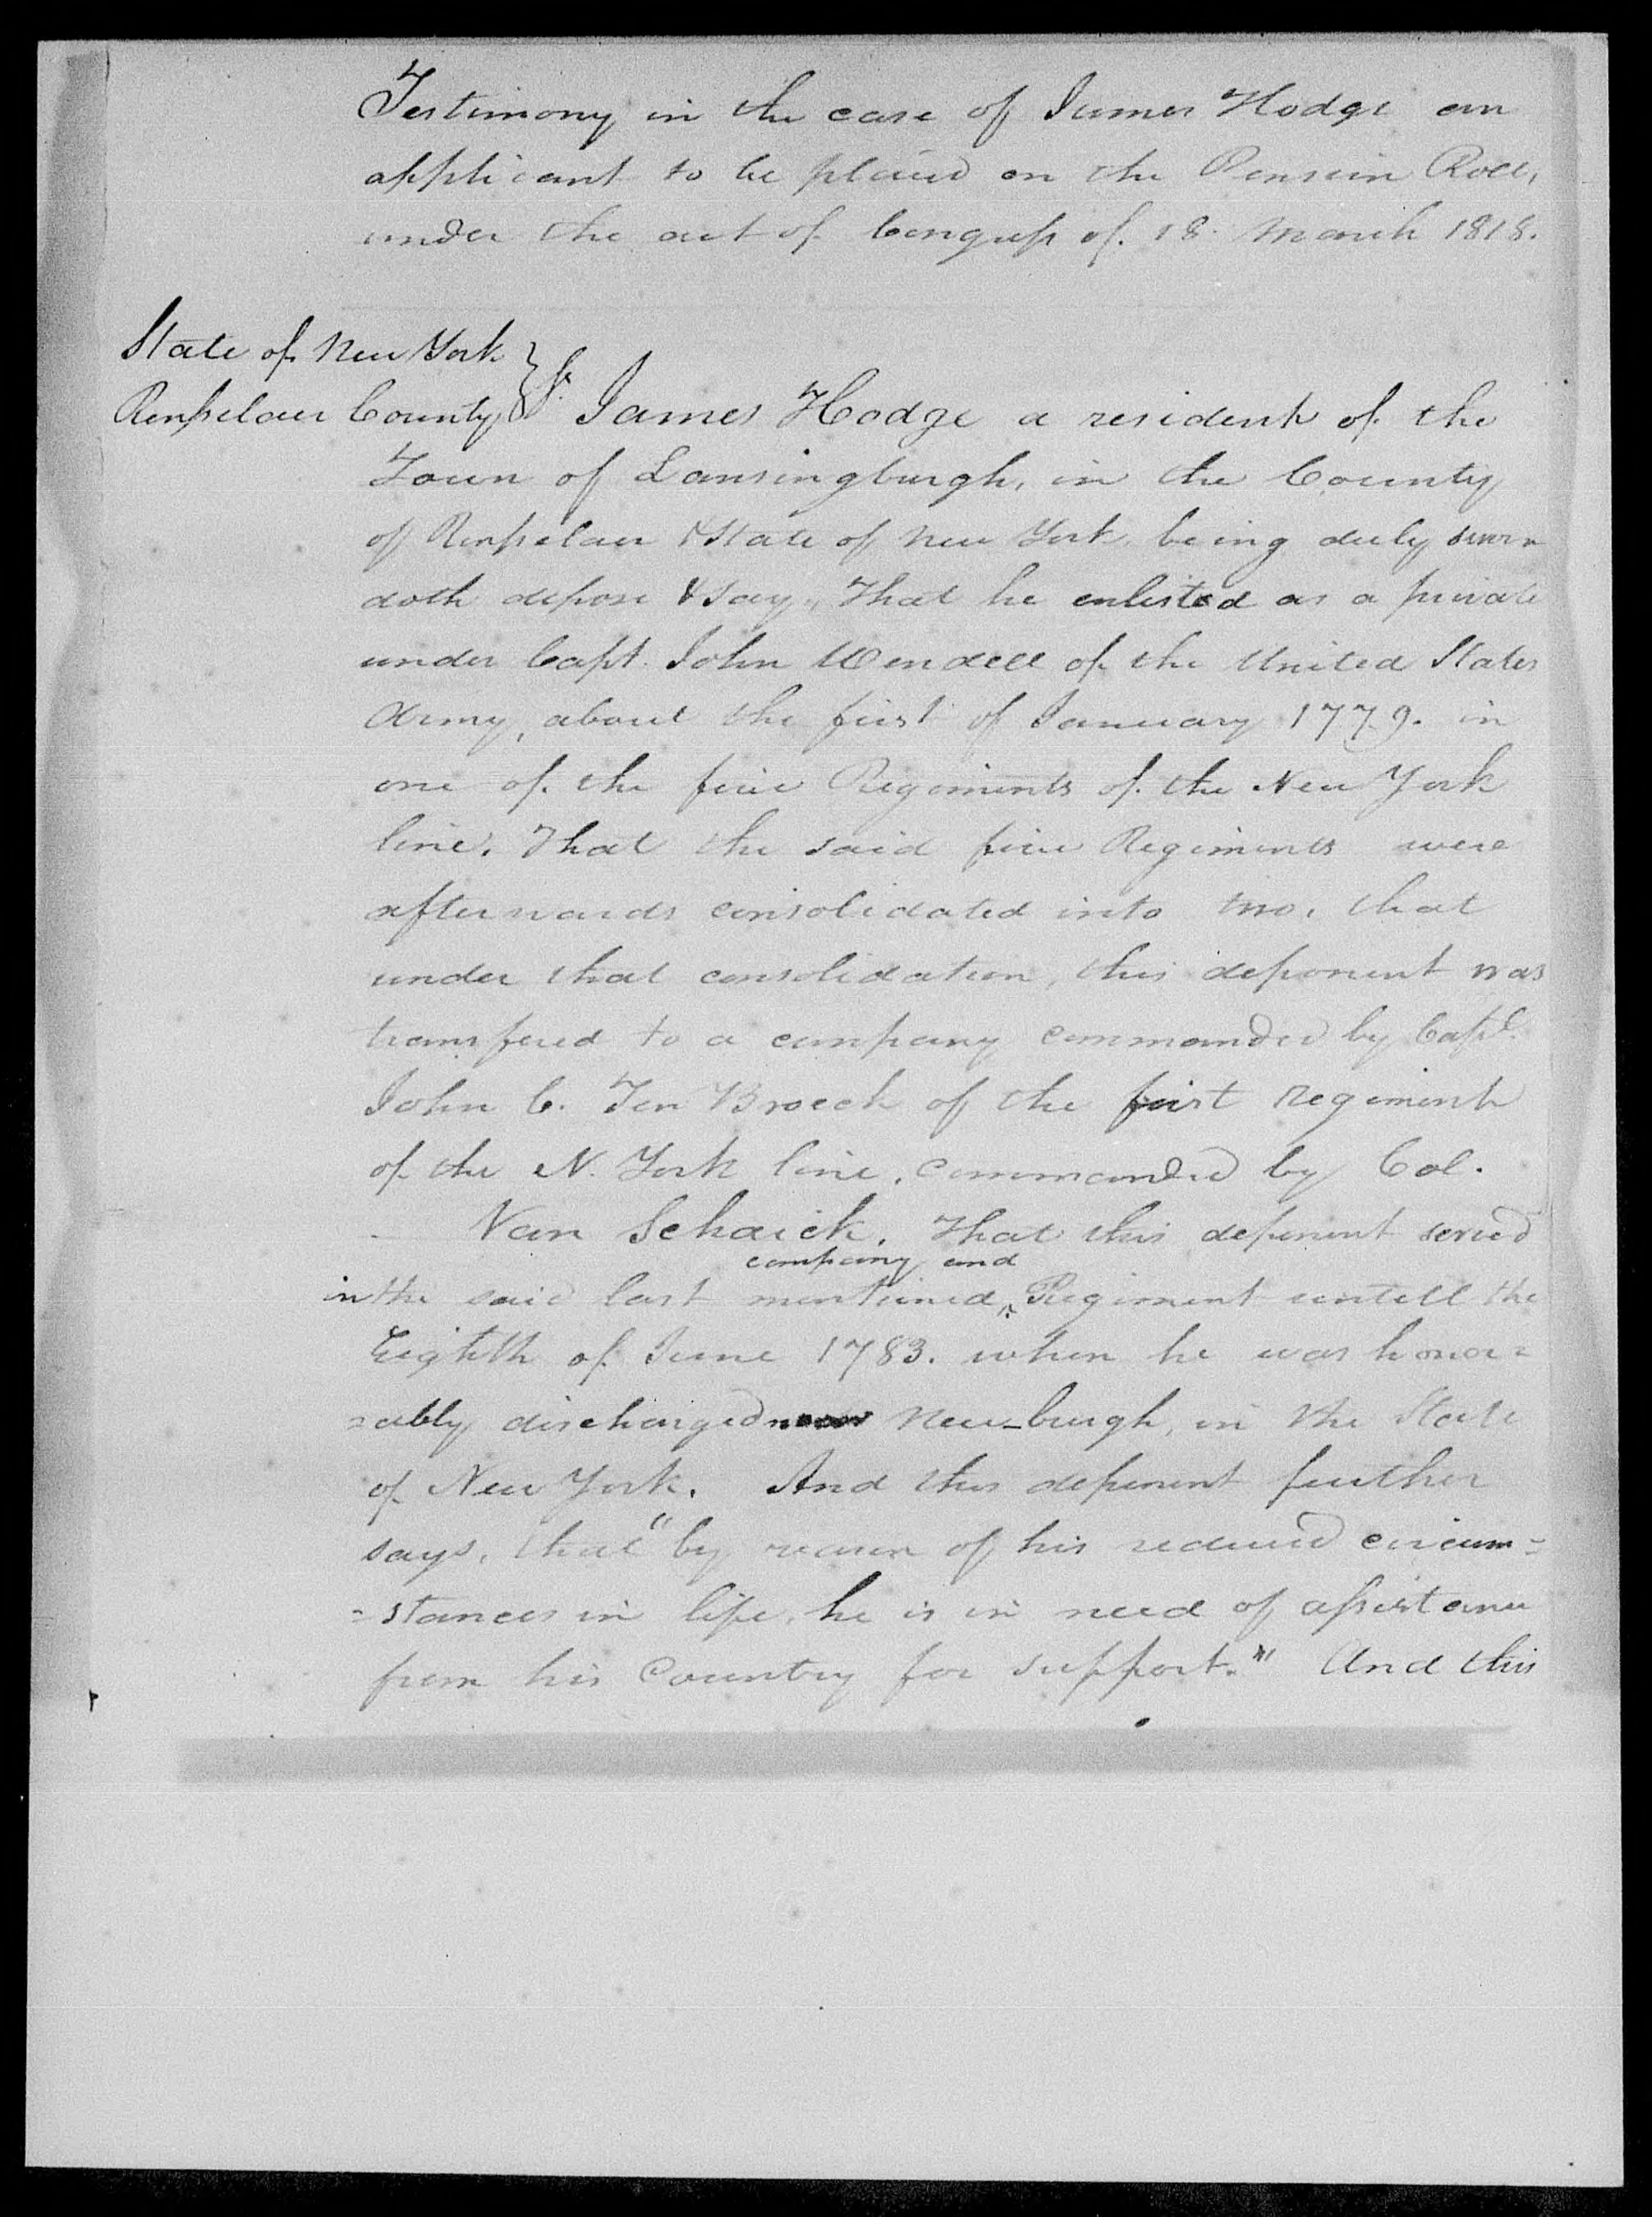Testimony in the case of James Hodge on 
applicant to be placed on the Pension Roll, 
under the act of Congress of 18 march 1818.

State of New York
Rensselaer County James Hodge a resident of the 
Town of Lansingburgh, in the County
of Rensselaer State of New York being duly sworn
doth depose & say, That he enlisted as a private
under Capt. John Wendell of the United States
Army, about the first of January 1779. in
one of the five Regiments of the New York
line. That the said five Regiments were
afterwards consolidated in two, that 
under that consolidation, this deponent was
transfered to a company commanded by Capt
John C. Ten Broeck of the first Regiment 
of the N. York line, commanded by Col.
Van Schaick. That this deponent served 
		company and
in the said last mentioned ^ Regiment until the 
Eight of June 1783. when he was honor
ably discharged [illegible] Newburgh, in the State
of New York. And this deponent further
says, that “by reason of this reduced circum
-stances in life, he is in need of assistance 
from his country for support.” And this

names: Van Schaick, John Wendell, James Hodge, John C Ten Broeck, James Hodge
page: 28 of 48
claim: widow's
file: W. 10476, James Hodge, New York